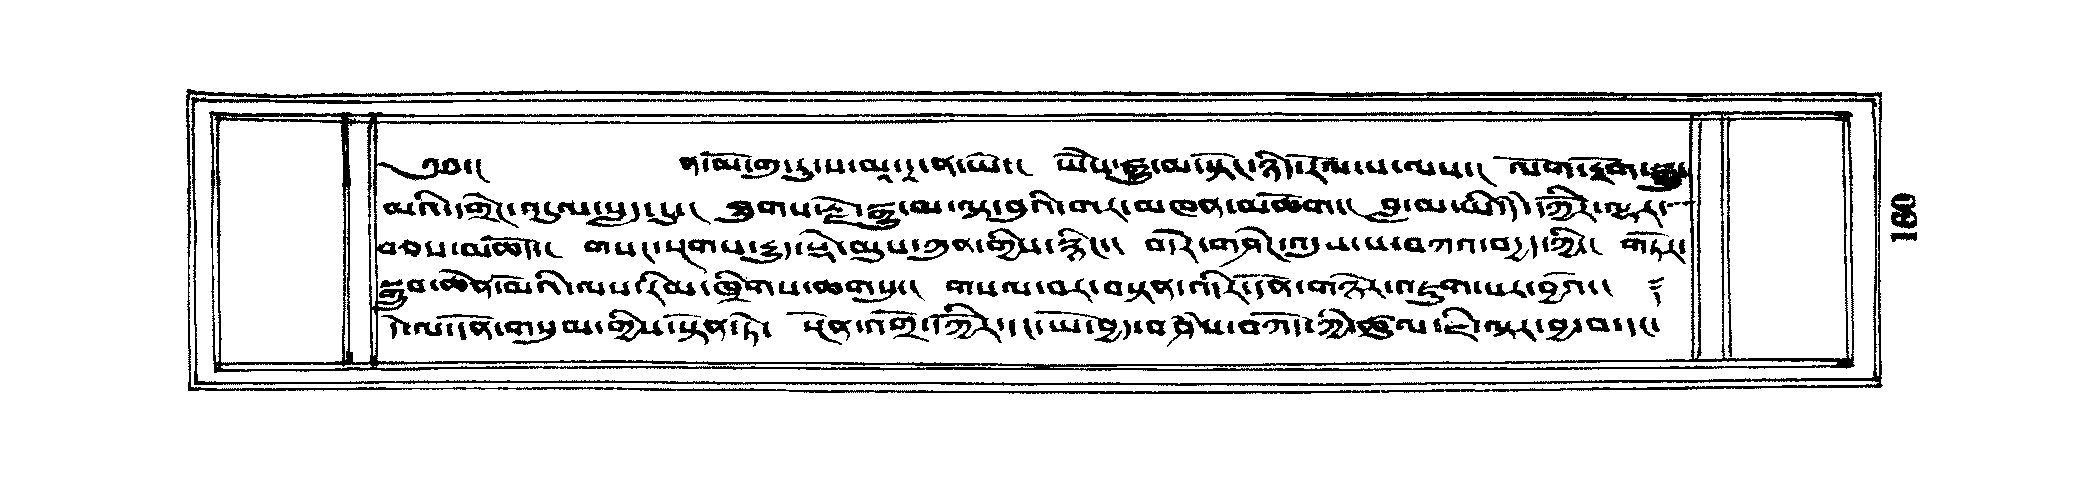ན་མོ་གུ་རུ་ས་མཱ་དཱ་ན་ཡེ། ཡེ་ཤེས་སྒྱུ་མ་སྟོང་ཉིད་རོལ་པ་ལས། །ལོག་རྟོག་སྒྱུ་
མའི་དགྲ་གེགས་འདུལ་སླད་དུ། །ཐུགས་རྗེ་སྒྱུ་མ་ལྟ་བུའི་གར་མཁན་མཆོག་།བླ་མ་ཡི་དམ་དཀྱིལ་འཁོར་ལྷར་
བཅས་མཆོད། །གསང་སྔགས་རྒྱུད་སྡེ་མ་ལུས་ཀུན་གྱི་སྙིང་། །བདེར་གཤེགས་འདུས་པ་བཀའ་བརྒྱད་ཀྱི། །གཏོར་
སྒྲུབ་ཆེན་མོའི་ལས་རིམ་ཁྲིགས་ཆགས་སུ། །གསལ་བ་ལྟར་བསྟན་འདིར་དོན་གཉེར་འཇུག་པར་བྱའོ། །
དེ་ལ་དོན་ཧསུམ་གྱིས་སྟོན་ཏེ། སྔོན་འགྲོ་དཀྱིལ་འཁོར་དང་ཡོ་བྱད་བཤམས་བཀོད་ཀྱི་ཚུལ་ཇི་ལྟར་བྱ་བ་དང་།